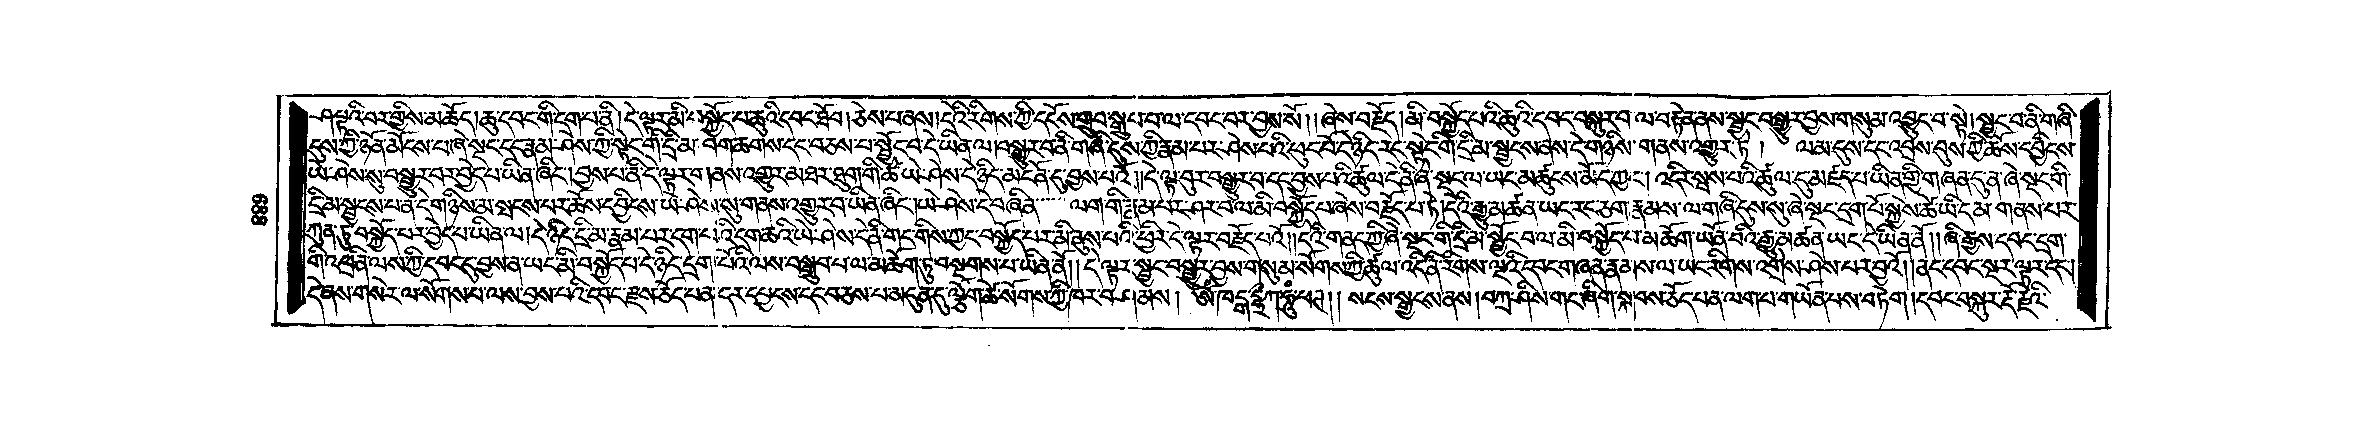ཤཔྟའི་བར་གྱིས་མཆོད། ཆུ་དབང་གི་དྲག་པ་ནི། དེ་ལྟར་མི་བསྐྱོད་པ་ཆུའི་དབང་ཐོབ། ཅེས་པ་ནས། དེའི་རིགས་ཀྱི་དངོས་གྲུབ་སྒྲུབ་པ་ལ་དབང་བར་བྱས་སོ། །ཞེས་བརྗོད། མི་བསྐྱོད་པའི་ཆུའི་དབང་བསྐུར་བ་ལ་བརྟེན་ནས་སྦྱང་བསྒྱུར་བྱས་གསུམ་འབྱུང་བ་སྟེ། སྦྱང་བ་ནི་གཞི་
དུས་ཀྱི་ཉོན་མོངས་པ་ཞེ་སྡང་དང་རྣམ་ཤེས་ཀྱི་སྟེང་གི་དྲི་མ་བག་ཆགས་དང་བཅས་པ་སྦྱོང་བ་དེ་ཡིན་ལ། བསྒྱུར་བ་ནི་གཞི་དུས་ཀྱི་རྣམ་པར་ཤེས་པའི་ཕུང་བོ་དེ་ཉིད་རང་སྟེང་གི་དྲི་མ་སྦྱངས་ནས་དེ་གཉིས་གནས་འགྱུར་ཏེ། ལམ་དུས་དང་འབྲས་བུས་ཀྱི་ཆོས་དབྱིངས་
ཡེ་ཤེས་སུ་བསྒྱུར་བར་བྱེད་པ་ཡིན་ཞིང་། བྱས་པ་ནི་དེ་ལྟར་གནས་འགྱུར་མཐར་ཐུག་གི་ཚེ་ཡེ་ཤེས་དེ་ཉིད་མངོན་དུ་བྱས་པའོ། །དེ་ལྟ་བུར་བསྒྱུར་བ་དང་བྱས་པའི་ཚུལ་དེ་ནི་ཞེ་སྡང་ལ་ཡང་མཚུངས་མོད་ཀྱང་། འདིར་སྦས་པའི་ཚུལ་དུ་མཛད་པ་ཡིན་གྱི་གཞན་དུ་ན་ཞེ་སྡང་གི་
དྲི་མ་སྦྱངས་པ་ན་དེ་གཉིས་མ་སྤངས་པར་ཆོས་དབྱིངས་ཡེ་ཤེས་སུ་གནས་འགྱུར་བ་ཡིན་ཞིང་། ཡེ་ཤེས་དེ་བཞིན་ལག་གི་རྣམ་པར་ཤར་བ་ལ་མི་བསྐྱོད་པ་ཞེས་བརྗོད་པ་ཏེ། དེའི་རྒྱུ་མཚན་ཡང་རང་ཅག་རྣམས་ལ་གཞི་དུས་སུ་ཞེ་སྡང་དྲག་པོ་སྐྱེས་ཚེ་ཡི་དམ་གནས་པར་
ཀུན་ཏུ་བསྐྱོད་པར་བྱེད་པ་ཡིན་ལ། དེ་ཉིད་དྲི་མ་རྣམ་པར་དག་པའི་དག་ཆའི་ཡེ་ཤེས་དེ་ནི་གང་གིས་ཀྱང་བསྐྱོད་པར་མི་ནུས་པའི་ཕྱིར་དེ་ལྟར་བརྗོད་པའོ། །དེའི་གནད་ཀྱི་ཞེ་སྡང་གི་དྲི་མ་སྦྱོང་བ་ལ་མི་བསྐྱོད་པ་མཆོག་ཡོན་པའི་རྒྱུ་མཚན་ཡང་དེ་ཡིན་ནོ། །ཞི་རྒྱས་དབང་དྲག་
གི་འཕྲིན་ལས་ཀྱི་དབང་དུ་བྱས་ན་ཡང་མི་བསྐྱོད་པ་དེ་ཉིད་དྲག་པོའི་ལས་བསྒྲུབ་པ་ལ་མཆོག་ཏུ་བསྔགས་པ་ཡིན་ནོ། །དེ་ལྟར་སྦྱང་བསྒྱུར་བྱས་གསུམ་སོགས་ཀྱི་ཚུལ་འདི་ནི་རིགས་ལྔའི་དབང་གཞན་རྣམས་ལ་ཡང་རིགས་འགྲེས་ཤེས་པར་བྱའོ། །ནང་དབང་སྔར་ལྟར་དང་།
དེ་ནས་གསེར་ལ་སོགས་པ་ལས་བྱས་པའི་དབང་རྫས་ཅོད་པན་དར་དཔྱངས་དང་བཅས་པ་མདུན་དུ་ལྕོག་ཚེ་སོགས་ཀྱི་ཁར་བཤམས། །ཨོཾ་ཁངྒ་དྷྲྀཀ་ཧཱུཾ་ཕཊ། །སངས་སྒྱངས་ནས། བཀྲ་ཤིས་གང་ཞིག་སྐབས་ཅོད་པན་ལག་པ་གཡོན་པས་བཏེག །དབང་བསྐུར་རྡོ་རྗེའི་